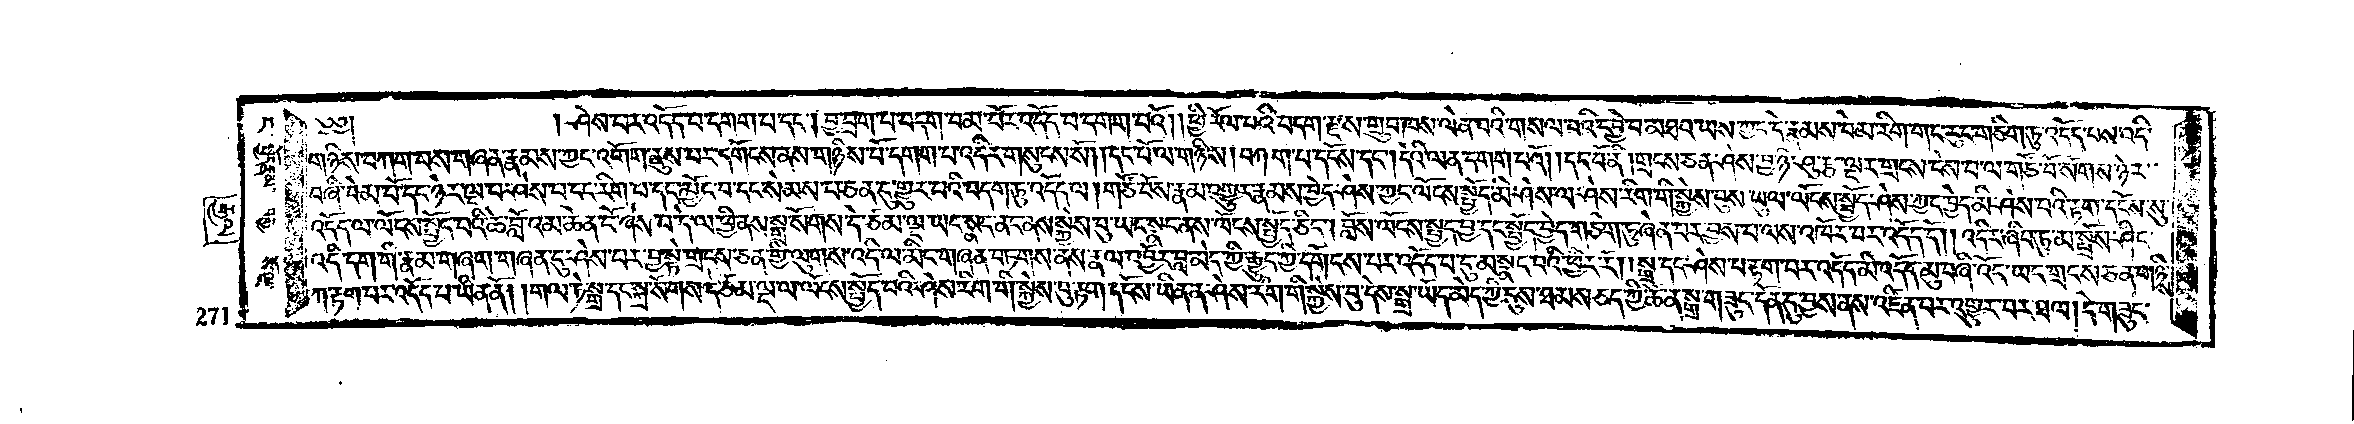༄༅། །ཤེས་པར་འདོད་པ་དགག་པ་དང་། བྱ་བྲག་པ་བདག་བམ་པོར་འདོད་པ་བདག་པའོ། །ཕྱིར་རོལ་པའི་བདག་རྫས་གྲུབ་ཁས་ལེན་པའི་གསལ་བའི་དབྱེ་བ་མཐའ་ཡས་ཀྱང་དེ་རྣམས་བེམ་རིག་གང་རུང་གཅིག་ཏུ་འདོད་པས་འདི་
གཉིས་བཀག་པས་གཞན་རྣམས་ཀྱང་འགོག་ནུས་པར་དགོངས་ནས་པར་དགོངས་ནས་གཉིས་པོ་དགག་པ་འདིར་གསུངས་སོ། །དང་པོ་ལ་གཉིས། བཀག་པ་དངོས་དང་། དེའི་ལན་དགག་པའོ། །དང་པོ་ནི། གྲངས་ཅན་ཤེས་བྱ་ཉི་ཤུ་རྩ་ལྔར་གྲངས་ངེས་པ་ལ་གཙོ་བོ་སོགས་ཉེར་
བཞི་བེམ་པོ་དང་ཉེར་ལྔ་པ་ཤེས་པ་དང་རིག་པ་དང་མྱོང་བ་དང་སེམས་པ་ཅན་དུ་གྱུར་པའི་བདག་ཏུ་འདོད་ལ། གཙོ་བོས་རྣམ་འགྱུར་རྣམས་བྱེད་ཤེས་ཀྱང་ལོངས་སྤྱོད་མི་ཤེས་ལ་ཤེས་རིག་གི་སྐྱེས་བུས་ཡུལ་ལོངས་སྤྱོད་ཤེས་ཀྱང་བྱེད་མི་ཤེས་པའི་རྟག་དངོས་སུ་
འདོད་ལ་ལོངས་སྤྱོད་པའི་ཆེ་བློ་འམ་ཆེན་པོ་ཞེས་པ་དེ་ལ་ཕྱི་ནས་སྒྲ་སོགས་དེ་ཙམ་ལྔ་ཡང་སྣང་ནང་ནས་སྐྱེས་བུ་ཡང་སྣང་ནས་ལོངས་སྤྱོད་ཅིང་། བློས་ལོངས་སྤྱད་བྱ་དང་སྤྱོད་བྱེད་གཅིག་ཏུ་ཞེན་པར་བྱས་པ་ལས་འཁོར་བར་འདོད་དོ། །འདིར་ཞིབ་ཏུ་མ་སྤྲོས་ཤིང་
འདི་དག་གི་རྣམ་གཞག་གཞན་དུ་ཤེས་པར་བྱ་སྟེ་གྲངས་ཅན་གྱི་ལུགས་འདི་ལ་མིང་གཞན་བཏགས་ནས་རྣལ་འབྱོར་བླ་མེད་ཀྱི་རྒྱུད་ཀྱི་དགོངས་པར་འདོད་པ་དུ་མ་སྣང་བའི་ཕྱིར་རོ། །སྒྲ་དང་ཤེས་པ་རྟག་པར་འདོད་མི་འདོད་མུ་བཞི་འོད་ཡང་གྲངས་ཅན་གཉིས་
ཀ་རྟག་པར་འདོད་པ་ཡིན་ནོ། །གལ་ཏེ་སྒྲ་དང་སྒྲ་སོགས་དེ་ཙམ་ལྔ་ལ་ལོངས་སྤྱོད་པའི་ཤེས་རིག་གི་སྐྱེས་བུ་རྟག་དངོས་ཡིན་ན་ཤེས་རིག་གི་སྐྱེས་བུ་དེས་སྒྲ་ཡོད་མེད་ཀྱི་དུས་ཐམས་ཅད་ཀྱི་ཚེ་ན་སྒྲ་གཟུང་དོན་དུ་བྱས་ནས་འཛིན་པར་འགྱུར་བར་ཐལ། དེ་གཟུང་